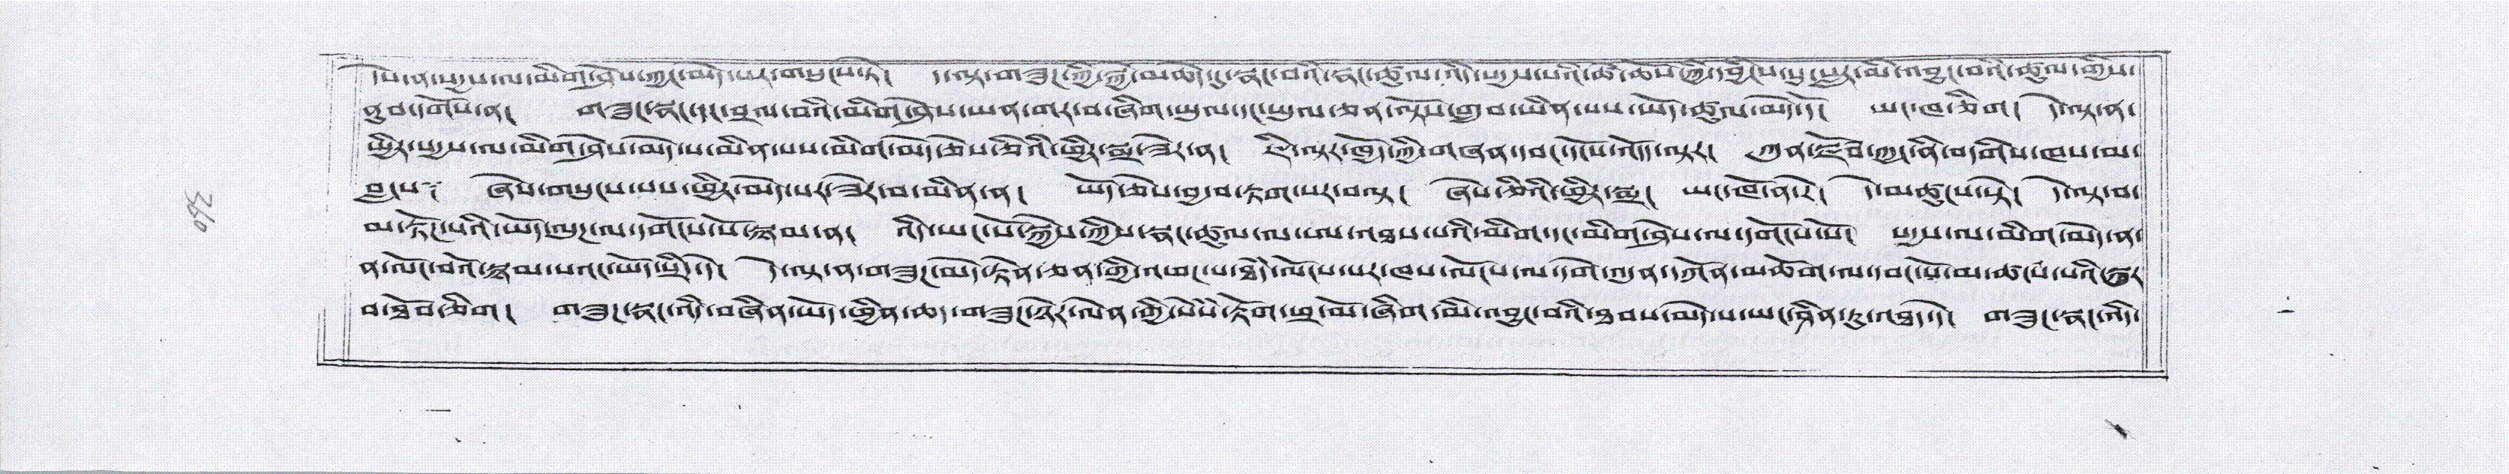དེས་ན་སངས་རྒྱས་ལ་མིག་ཤེས་ཀྱང་མེད་པར་གསུངས་ཏེ།ད་ལྟ་གཟུགས་ཀྱི་སྐྱེ་མཆེད་དུ་སྣང་བའི་སྣང་ཆུལ་འདི་སངས་རྒྱས་པའི་ཚེ་ཆོས་ཀྱི་དབྱིངས་སུ་སླར་མི་འབྱུང་བའི་ཚུལ་གྱིས་
ནུབ་དགོས་ན། གཟུགས་སྣང་དང་བྲལ་བའི་མིག་ཤེས་ཡན་གར་བ་ཞིག་ཡུལ་དང་ཡུལ་ཅན་ལྟོས་གྲུབ་ཡིན་པས་ཡོད་ཚུལ་མེད་དོ། ཡང་ཁ་ཅིག དེ་ལྟ་ན་
སྤྱིར་སངས་རྒྱས་ལ་མིག་ཤེས་མེད་པ་མིན་པས་མིག་མེད་ཅེས་ཅིའི་ཕྱིར་སྨྲ་ཟེར་ན། ཇི་ལྟར་ཁྱོད་ཀྱི་གཞན་དབང་དངོས་འདོད་ལྟར། ཀུན་རྫོབ་ཀྱང་ནི་བདག་གིས་ཁས་མ་
བླངས། ཞེས་གསུངས་པས་ཕྱིར་མེད་པར་ཟེར་བ་མིན་ན། ཡོད་ཅེས་བྱ་བ་རྟག་པར་བལྟ། ཞེས་ཅིའི་ཕྱིར་སྨྲ། ཡང་ཁོ་ན་རེ། དེ་མཚུངས་སྟེ། དེ་ལྟ་བ་
མ་རྟོགས་པའི་ཡོད་ལུགས་ལ་དགོངས་སོ་སྙམ་ན། འདི་ཡང་སོ་སྐྱེས་ཀྱིས་སྣང་ཚུལ་ལ་ཨ་འཐས་པའི་མིག་དང་མིག་ཤེས་ལ་དགོངས་སོ། སངས་རྒྱས་ལ་མིག་མེད་ན་
ལོང་བའོ་སྙམ་པའང་ཡོད་སྲིད་དེ། དེ་ལྟ་ན་གཟུགས་མེད་རྟེན་ཅན་གྱི་འཕགས་པ་ཐམས་ཅད་ལོངས་པར་ཁས་ལོངས་ལ་དགེ་འདུན་དཀོན་མཆོག་ལ་དབང་པོ་མ་ཚངས་པའི་སྐུར་
བ་ཐོབ་ཅིག གཟུགས་སྣང་འདི་བཞིན་ཡོད་ཕྱིན་ཆད་གཟུགས་ཉེར་ལེན་གྱི་སེམས་རྟོག་ཕྲ་མོ་ཞིག་མི་འབྱུང་བའི་ཐབས་མེད་པ་ཡང་ཤིན་ཏུ་འཐད་དེ། གཟུགས་སྣང་འདི་